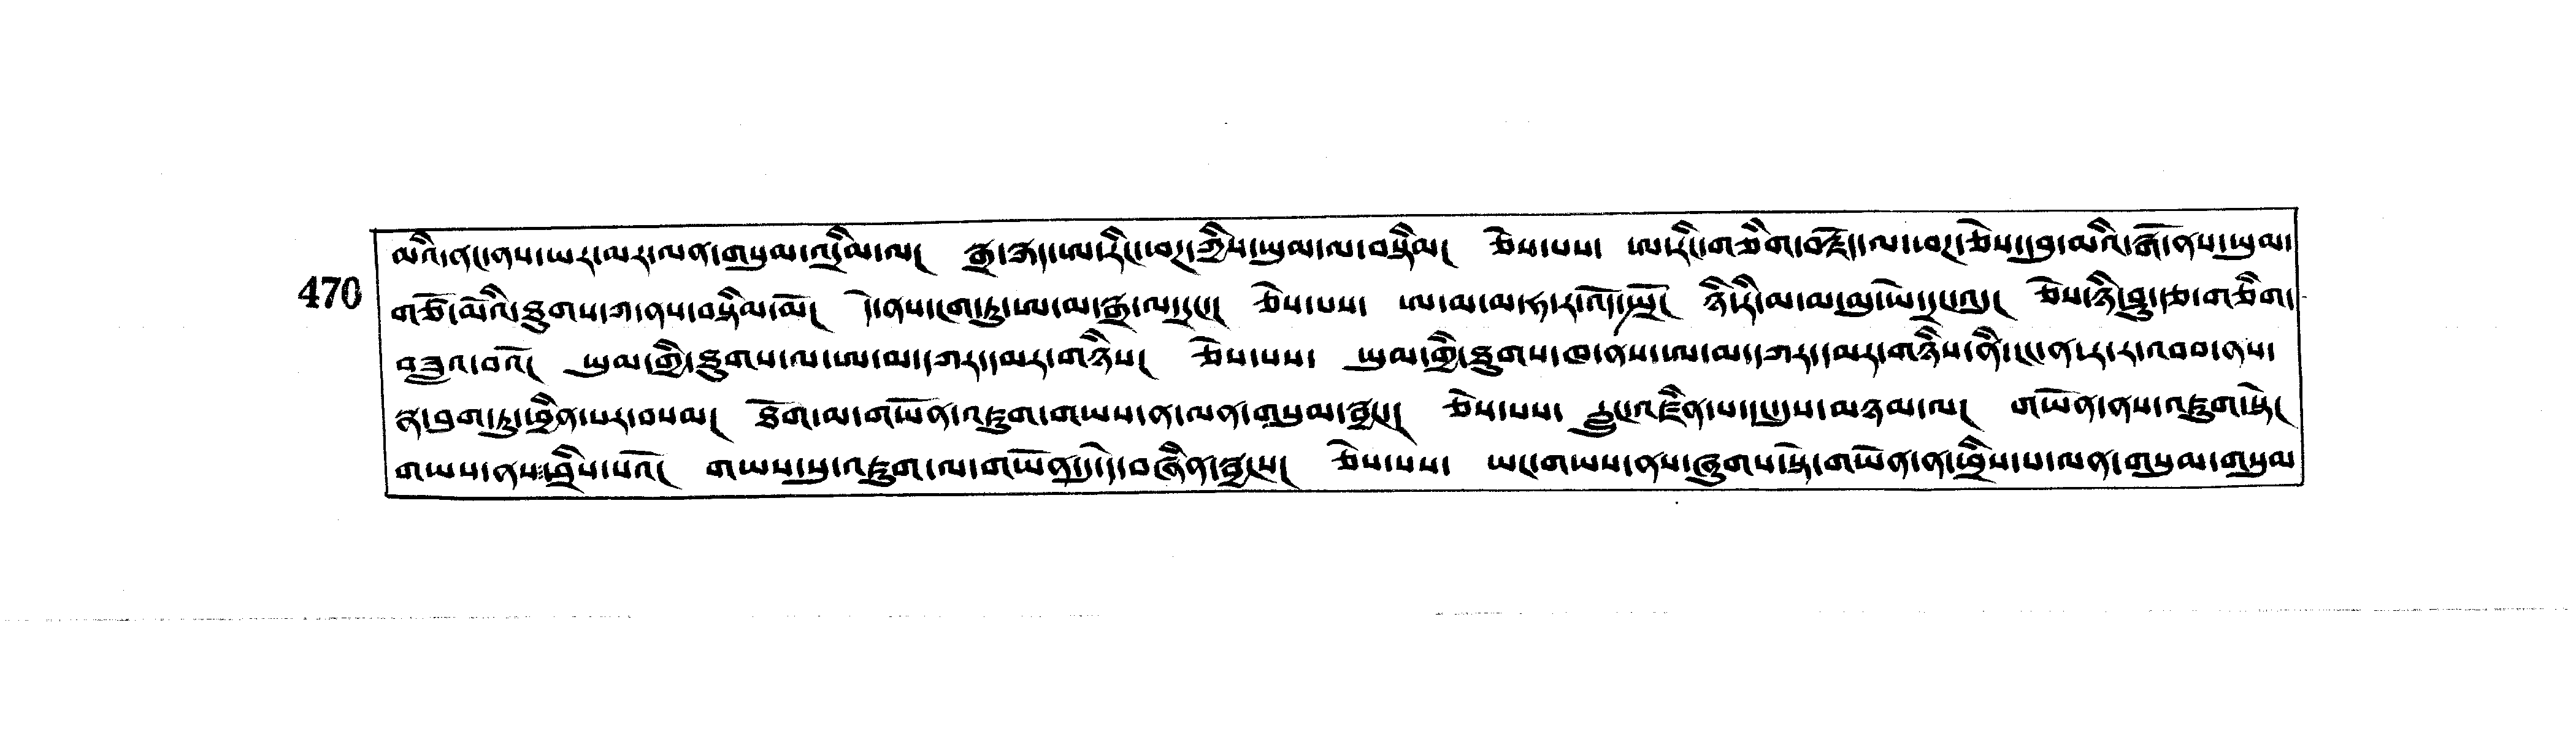མའི་ནང་ནས་ཡར་མར་ལན་གསུམ་འདྲིམ་ལ། སྒྲ་སྐད་ཨ་རིང་ཕཊཿཀྱིས་ཡུམ་ལ་བསྟིམ། ཅེས་པས། ཨ་རིང་གཅིག་བརྗོད་ལ་ཕཊཿཅེས་དབུ་མའི་སྒོ་ནས་ཡུམ་
གཙོ་མོའི་ཐུགས་ཀ་ལ་བསྟིམ་མོ། དེ་ནས་ངག་ཏུ་ཨ་མ་སྒྲ་ལ་དྲངས། ཅེས་པས། ཨ་མ་མ་ཧ་ར་འོད་སྤྲོ། ཉི་རི་མ་མ་མུ་ཡེ་ཏྲང་འདུ། ཅེས་ཉི་ཤུ་རྩ་གཅིག་
བཟླ་བའོ། ཡུམ་གྱི་ཐུགས་ལ་ཨ་མ་དཀར་དམར་གཉིས། ཅེས་པས། ཡུམ་གྱི་ཐུགས་ལ་ཨ་མ་དཀར་དམར་གཉིས། ཅེས་པས། ཡུམ་གྱི་ཐུགས་ཁ་ནས་ཨ་མ་དཀར་དམར་གཉིས་ནི་ངང་ན་ར་ར་འབབས་ནས་
སྣ་བུག་ཏུ་ཕྱིན་པར་བསམ། ཐོག་མ་གཡོན་འཇུག་གཡས་ནས་ལན་གསུམ་སྦྱང་། ཅེས་པས། རླུང་འཛིན་པ་དང་དུས་མཉམ་ལ། གཡོན་ནས་འཇུག་སྟེ་
གཡས་ནས་ཕྲིས་པའོ། གཡས་སུ་འཇུག་ལ་གཡོན་དུ་དེ་བཞིན་སྦྱང་། ཅེས་པས། ཡང་གཡས་ནས་འཇུག་སྟེ་གཡོན་ནས་ཕྲིས་པ་ལན་གསུམ་གསུམ་